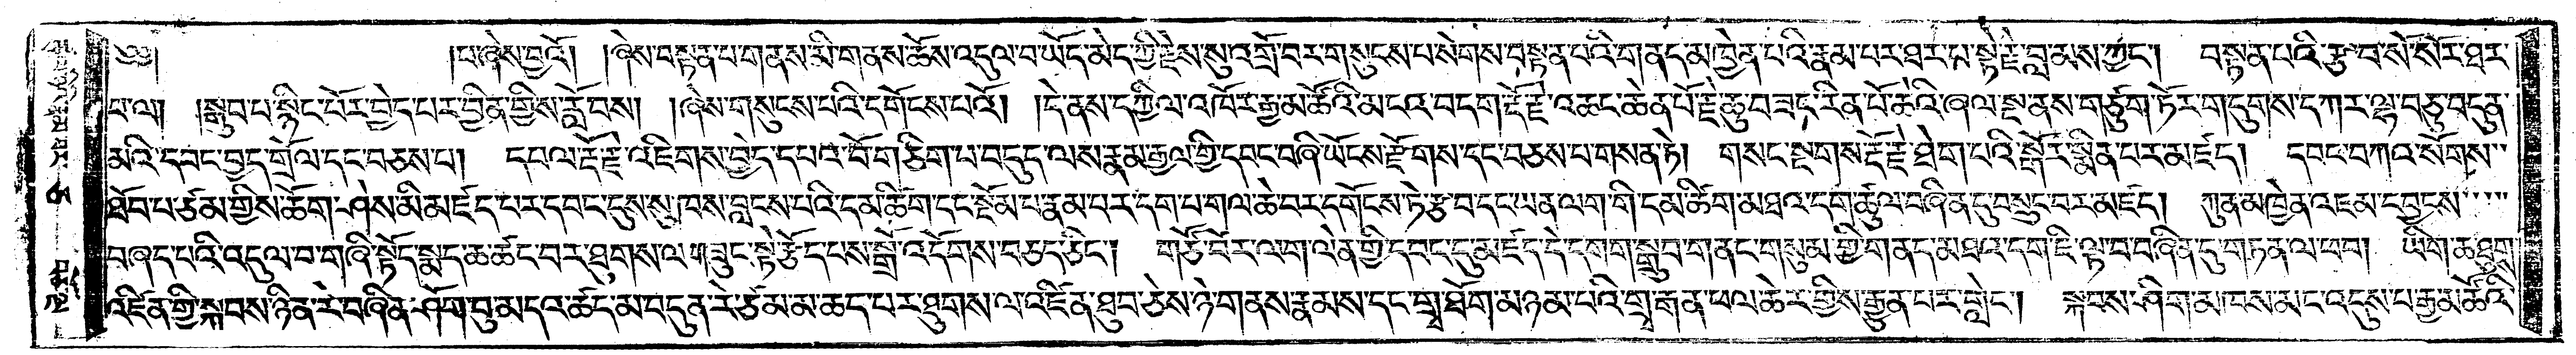༄༅། །བ་ཞེས་བྱའོ། །ཞེས་བསྟན་བ་གནས་མི་གནས་ཆོས་འདུལ་བ་ཡོད་མེད་ཀྱི་རྗེས་སུ་འགྲོ་བར་གསུངས་པ་སོགས་བསྟན་བའི་གནད་མཁྱེན་པའི་རྣམ་པར་ཐར་པ་སྟེ་རྗེ་བླ་མས་ཀྱང་། བསྟན་པའི་རྩ་བ་སོ་སོར་ཐར་
པ་ལ། །སྒྲུབ་པ་སྙིང་པོར་བྱེད་པར་བྱིན་གྱིས་རློབས། །ཞེས་གསུངས་པའི་དགོངས་པའོ། །དེ་ནས་དཀྱིལ་འཁོར་རྒྱ་མཚོའི་མངའ་བདག་རྡོ་རྗེ་འཆང་ཆེན་པོ་རྗེ་ཆུ་བཟང་རིན་པོ་ཆེའི་ཞལ་སྔ་ནས་གཙུག་ཏོར་གདུགས་དཀར་ལྷ་བཅུ་བདུན་
མའི་དབང་བྱད་གྲོལ་དང་བཅས་པ། དབལ་རྡོ་རྗེ་འཇིགས་བྱེད་དཔའ་བོ་གཅིག་པ་བདུད་ལས་རྣམ་རྒྱལ་གྱི་དབང་བཞི་ཡོངས་རྫོགས་དང་བཅས་པ་གསན་ཏེ། གསང་སྔགས་རྡོ་རྗེ་ཐེག་པའི་སྒོར་སྨིན་པར་མཛད། དབང་བཀའ་སོགས་
ཐོབ་པ་ཙམ་གྱིས་ཆོག་ཤེས་མི་མཛད་པར་དབང་དུས་སུ་ཁས་བླངས་པའི་དམ་ཚིག་དང་སྡོམ་པ་རྣམ་བར་དག་པ་གལ་ཆེ་བར་དགོངས་ཏེ་རྩ་བ་དང་ཡན་ལག་གི་དམ་ཚིག་མཐའ་དག་ཚུལ་བཞིན་དུ་བསྲུང་བར་མཛད། ཀུན་མཁྱེན་འཇམ་དབྱངས་
བཞད་པའི་འདུལ་བ་གཞི་སྟོད་སྨད་ཆ་ཚང་བར་ཐུགས་ལ་གཟུང་སྟེ་རྩོད་པས་སྒྲོ་འདོགས་བཅད་ཅིང་། གཙོ་བོར་ལག་ལེན་གྱི་དབང་དུ་མཛད་དེ་དགག་སྒྲུབ་གནང་གསུམ་གྱི་གནད་མཐའ་དག་ཇི་ལྟ་བ་བཞིན་དུ་གཏན་ལ་ཕབ། ཡིག་ཆ་ཐུགས་
འཛིན་གྱི་སྐབས་ཉིན་རེ་བཞིན་ཤོག་བུ་མདའ་ཚད་མ་བདུན་རེ་ཙམ་མ་ཆད་པར་ཐུགས་ལ་འཛིན་ཐུབ་ཅེས་ཉེ་གནས་རྣམས་དང་གྲྭ་ཐོག་མཉམ་པའི་གྲྭ་རྒན་ཕལ་ཆེར་གྱིས་རྒྱུན་པར་གླེང་། སྐབས་ཤིག་མཁས་མང་འདུས་པ་རྒྱ་མཚོའི་